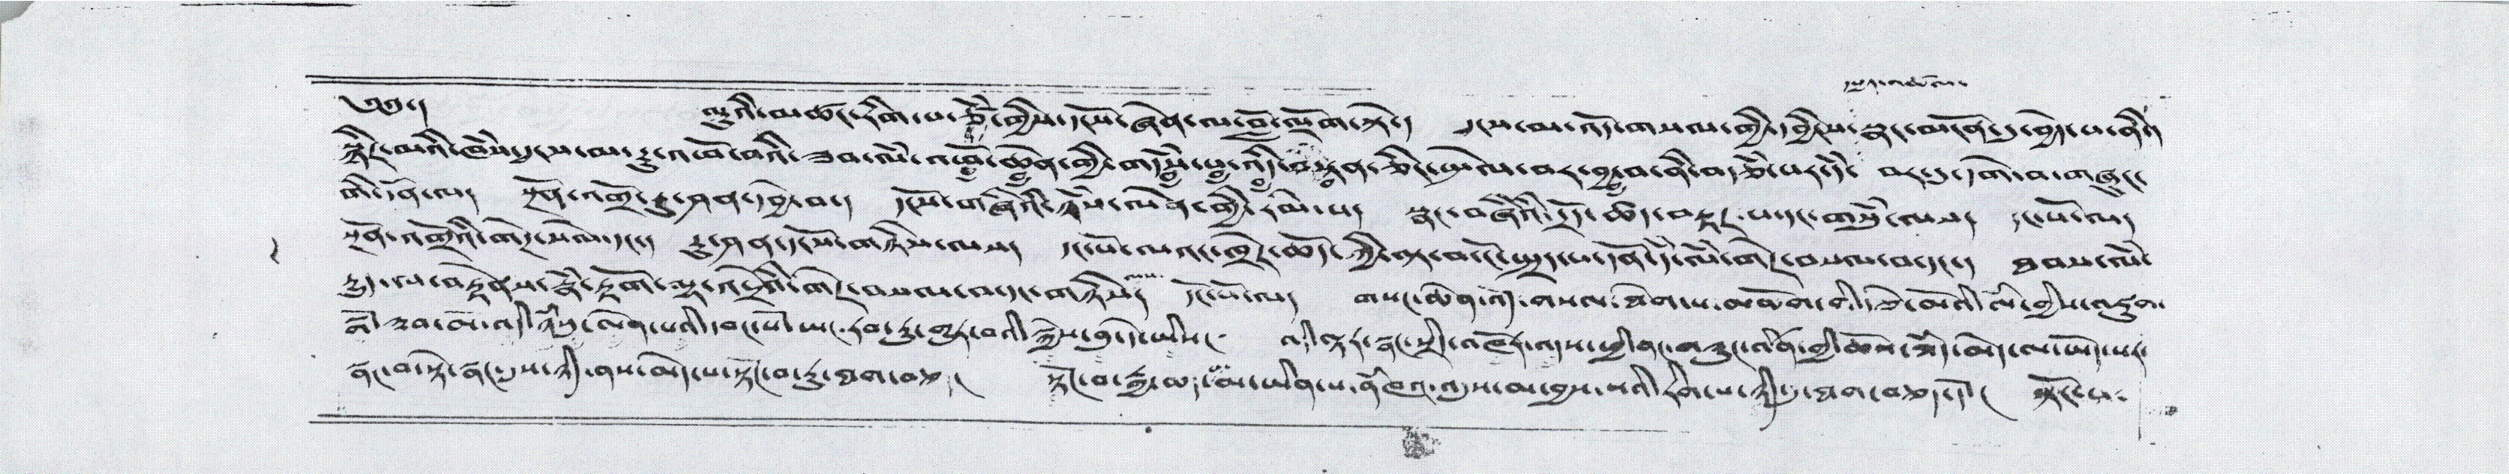ལྟ་བུའི་འཚང་རིག་པ་ཙམ་གྱིས་དངོས་ཞེན་ལ་བློ་ལྡོག་སྟེ། དྭངས་མ་འོད་གསལ་གྱི་དབྱིངས་སྣང་མངོན་དུ་བྱེད་པ་ནི། 
སྙིགས་མའི་ཁམས་དྭངས་མ་རུ་འཕོ་བའི་ཟབ་ལམ་འཕོ་ཆེན་གྱི་གདམས་པ་འདི་བསྟན་ཅིང་སྤེལ་བར་བྱ་བ་ནི་བརྩམ་པར་དམ་བཅའ་༼བའོ༽། བར་དུ་དགེ་བ་གཞུང་
གི་དོན་ལ། སྔོན་འགྲོ་རུ་ཤན་དབྱེ་བ། དངོས་གཞིའི་ཉམས་ལེན་གྱི་རིམ་པ། སྣང་བཞིའི་དྲོད་ཚད་བརྟགས་པ་དང་གསུམ་ལས། དང་པོ་ལ་
སྔོན་འགྲོའི་གེགས་སེལ་དང་། རུ་ཤན་དངོས་གཉིས་ལས། དང་པོ་ལའང་ཁྲེགས་ཆོད་ཀྱི་ལྟ་བ་ངོ་སྤྲད་པ་དོན་དམ་ལམ་གེགས་བསལ་བ་དང་། ཐབས་ལམ་
རྒྱུད་ལ་བསྟེན་ནས་རྣམ་རྟོག་ལྷ་འདྲེའི་གེགས་བསལ་བ་དང་གཉིས་སོ། གསང་ཆེན་འོད་གསལ་ཐེག་པ་མཆོག་གི་རྩེ་མོའི་ལམ་གྱི་འཇུག་
སྒོ་ཟབ་མོ་འདི་ཉམས་སུ་ལེན་པའི་དབང་པོ་ཡང་རབ་ཏུ་གྱུར་པའི་སྐྱེས་བུ་དེ་ཡིས། འདི་ལྟར་སྣང་སྲིད་འཁོར་འདས་ཕྱི་ནང་གཟུང་འཛིན་འཁོར་འདས་ཀྱི་ཆོས་ཐམས་ཅད་མེད་ལ་ཡོད་པར་
སྣང་བ་སྟེ་སྣང་དུས་ཉིད་ནས་མེད་པ་སྟོང་པ་རུ་ཐག་བཅད། སྟོང་པ་རྒྱ་ཆད་མ་ཡིན་པ་ནམ་མཁའ་འདུས་མ་བྱས་པའི་རིག་པ་ཉིད་དུ་ཐག་བཅད་དོ། སྟོང་པ་